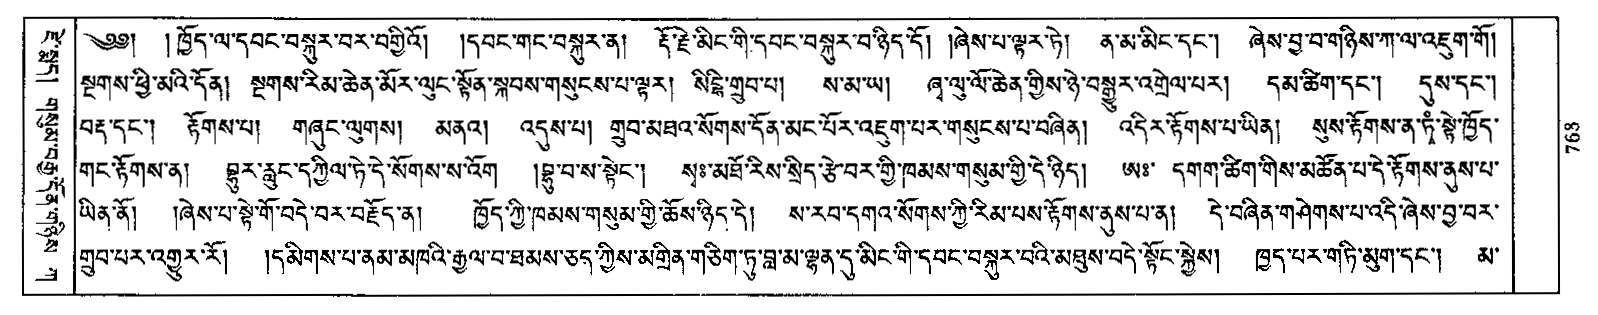༄༅། །ཁྱོད་ལ་དབང་བསྐུར་བར་བགྱིའོ། །དབང་གང་བསྐུར་ན། རྡོ་རྗེ་མིང་གི་དབང་བསྐུར་བ་ཉིད་དོ། །ཞེས་པ་ལྟར་ཏེ། ན་མ་མིང་དང་། ཞེས་བྱ་བ་གཉིས་ཀ་ལ་འཇུག་གོ།
སྔགས་ཕྱི་མའི་དོན། སྔགས་རིམ་ཆེན་མོར་ལུང་སྟོན་སྐབས་གསུངས་པ་ལྟར། སིདྷི་གྲུབ་པ། ས་མ་ཡ། ཞྭ་ལུ་ལོ་ཆེན་གྱིས་ཉེ་བསྒྱུར་འགྲེལ་པར། དམ་ཚིག་དང་། དུས་དང་།
བརྡ་དང་། རྟོགས་པ། གཞུང་ལུགས། མནའ། འདུས་པ། གྲུབ་མཐའ་སོགས་དོན་མང་པོར་འཇུག་པར་གསུངས་པ་བཞིན། འདིར་རྟོགས་པ་ཡིན། སུས་རྟོགས་ན་ཏྭཾ་སྟེ་ཁྱོད་
གང་རྟོགས་ན། བྷུར་རླུང་དཀྱིལ་ཏེ་དེ་སོགས་ས་འོག །བྷུ་བ་ས་སྟེང་། སྭཿ མཐོ་རིས་སྲིད་རྩེ་བར་གྱི་ཁམས་གསུམ་གྱི་དེ་ཉིད། ཨཿ དགག་ཚིག་གིས་མཚོན་པ་དེ་རྟོགས་ནུས་པ་
ཡིན་ནོ། །ཞེས་པ་སྟེ་གོ་བདེ་བར་བརྗོད་ན། ཁྱོད་ཀྱི་ཁམས་གསུམ་གྱི་ཆོས་ཉིད་དེ། ས་རབ་དགའ་སོགས་ཀྱི་རིམ་པས་རྟོགས་ནུས་པ་ན། དེ་བཞིན་གཤེགས་པ་འདི་ཞེས་བྱ་བར་
གྲུབ་པར་འགྱུར་རོ། །དམིགས་པ་ནམ་མཁའི་རྒྱལ་བ་ཐམས་ཅད་ཀྱིས་མགྲིན་གཅིག་ཏུ་བླ་མ་ལྷན་དུ་མིང་གི་དབང་བསྐུར་བའི་མཐུས་བདེ་སྟོང་སྐྱེས། ཁྱད་པར་གཏི་མུག་དང་། མ་